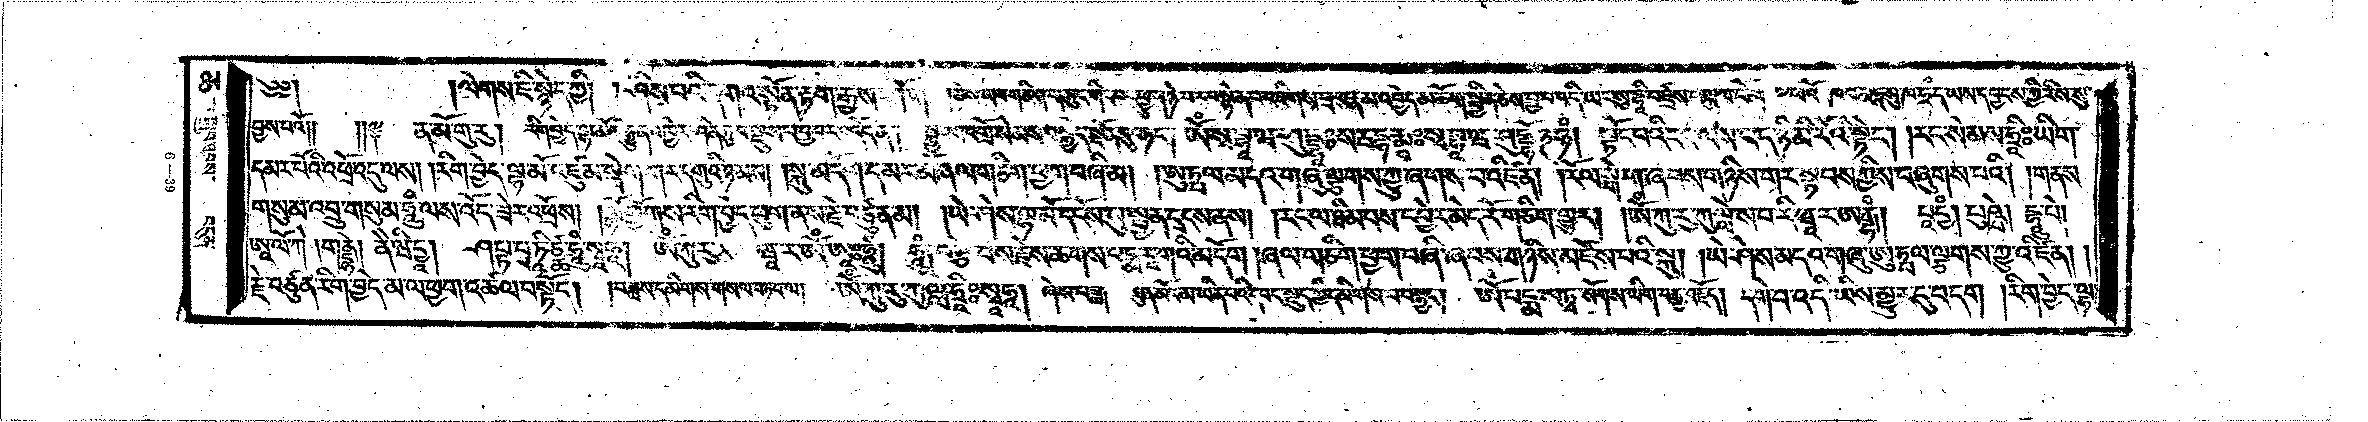༄༅། །ལེགས་ཇི་སྙེད་ཀྱི། །ཤིས་པའི་དཀའ་སྟོན་རྟག་རྒྱས་ཤོག །ཅེས་ཡབ་གཅིག་གསུང་གི་དབང་ཕྱུག་ཉེ་བར་བསྙེན་བ་འཇིགས་བྲལ་རྣམ་འབྱེད་མཆོག་སྦྱིན་ཅེས་བྱ་བ་འདི་ཡང་སུ་དྷཱི་བཛྲས་བསྐུལ་ངོར། ༧ཕ་བོང་ཁ་པ་མཧཱ་སུ་ཁ་ཧྲིད་ཡས་དབྱངས་ཀྱི་རིས་སུ་
བྱས་པའོ།། །།༈ ན་མོ་གུ་རུ། རིག་བྱེད་ལྷ་མོའི་རྒྱུན་འཁྱེར་ཤིན་ཏུ་བསྡུས་པ་བྱ་བར་འདོད་ན། སྐྱབས་འགྲོ་སེམས་བསྐྱེད་སྔོན་དུ་བཏང་།  ཨོཾ་སྭ་བྷཱ་ཝ་ཤུདྡྷཱཿསརྦ་དྷརྨཱཿ སྭབྷཱ་ཝ་ཤུདྡྷོ་ཉ་ཧཾ། སྟོང་པའི་ངང་ལས་པད་ཉི་མི་རོའི་སྟེང་། །རང་སེམས་ཧྲཱིཿཡིག་
དམར་པོའི་འཕྲོ་འདུ་ལས། །རིག་བྱེད་ལྷ་མོ་འཛུམ་སྒེག་གར་དགུའི་ཉམས། །སྐུ་མདོག་དམར་མོ་ཞལ་གཅིག་ཕྱག་བཞི་མ། །ཨུཏྤལ་མདའ་གཞུ་ལྕགས་ཀྱུ་ཞགས་པ་འཛིན། །རོལ་སྒེག་ཞབས་གཉིས་གར་སྟབས་ཀྱིས་བཞུགས་པའི། །གནས་
གསུམ་འབྲུ་གསུམ་ཧཱུཾ་ལས་འོད་ཟེར་འཕྲོས། །ལྷོ་ཕྱོགས་རིག་བྱེད་ཕུག་ནས་རྗེ་བཙུན་མ། །ཡེ་ཤེས་ལྷ་མོ་དངོས་སུ་སྤྱན་དྲངས་ནས། །རང་ལ་ཐིམ་པས་དབྱེར་མེད་རོ་གཅིག་གྱུར། །ཨོཾ་ཀུ་རུ་ཀུལླེས་པ་རི་ཝཱ་ར་ཨརྒྷཾ། པཱདྱཾ། པུཥྤེ། དྷཱུ་པེ།
ཨཱ་ལོ་ཀེ། །གནྡྷེ། ནཻ་ཝིདྱཱ། ཤཔྟ་པྲ་ཏཱི་ཙྪ་ཧཱུཾ་སྭཱཧཱ། ཨོཾ་ཀུ་རུ། ཝཱ་ར་ཨོཾ་ཨཱཿཧཱུཾ། ཧཱུཾ། བརྩེ་བས་རྗེས་ཆགས་པདམ་རྭ་གའི་མདོག །ཞལ་གཅིག་ཕྱག་བཞི་ཞབས་གཉིས་མཛོས་པའི་སྐུ། །ཡེ་ཤེས་མདའ་གཞུ་ཨུཏྤལ་ལྕགས་ཀྱུ་འཛིན། །
རྗེ་བཙུན་རིག་བྱེད་མ་ལ་ཕྱག་འཚལ་བསྟོད། །བཟླས་དམིགས་གསལ་བཏབ་ལ།  ཨོཾ་ཀུ་རུ་ཀུལླེ་ཧྲཱིཿསྭཱཧཱ། ཞེས་བཟླ། ཐུན་མོང་མ་ཡིན་པའི་དབང་སྡུད་ཀྱི་དམིགས་པ་བསྒྱུད། ཨོཾ་པདམ་སཏྭ་སོགས་ཡིག་བརྒྱ་བརྗོད། དགེ་བ་འདི་ཡིས་མྱུར་དུ་བདག །རིག་བྱེད་ལྷ་